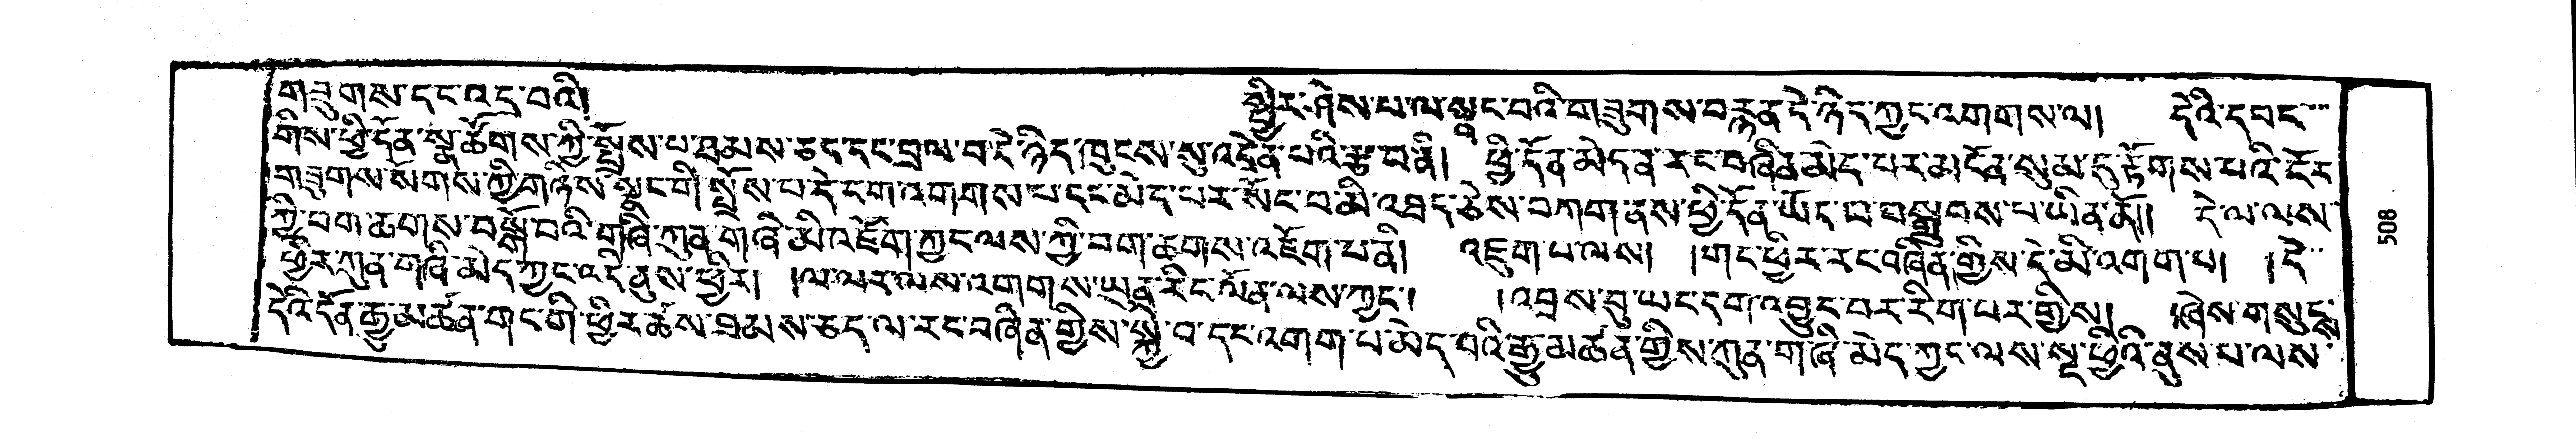གཟུགས་དང་འདྲ་བའི། སྤྱིར་ཤེས་པ་ལ་སྣང་བའི་གཟུགས་བརྙན་དེ་ཉིད་ཀྱང་འགགས་ལ། དེའི་དབང་
གིས་ཕྱི་དོན་སྣ་ཚོགས་ཀྱི་སྤྲོས་པ་ཐམས་ཅད་དང་བྲལ་བ་དེ་ཉིད་ཁུངས་སུ་འདྲེན་པའི་རྩ་བ་ནི། ཕྱི་དོན་མེད་ན་རང་བཞིན་མེད་པར་མངོན་སུམ་དུ་རྟོགས་པའི་ངོར་
གཟུགས་སོགས་ཀྱི་གཉིས་སྣང་གི་སྤྲོས་པ་དེ་དག་འགགས་པ་དང་མེད་པར་སོང་བ་མི་འཐད་ཅེས་བཀག་ནས་ཕྱི་དོན་ཡོད་པ་བསྒྲུབས་པ་ཡིན་ནོ། །དེ་ལ་ལས་
ཀྱི་བག་ཆགས་བསྒོ་བའི་གཞི་ཀུན་གཞི་མི་འཇོག་ཀྱང་ལས་ཀྱི་བག་ཆགས་འཇོག་པ་ནི། འཇུག་པ་ལས། །གང་ཕྱིར་རང་བཞིན་གྱིས་དེ་མི་འགག་པ། །དེ་
ཕྱིར་ཀུན་གཞི་མེད་ཀྱང་འདི་ནུས་ཕྱིར། །ལ་ལར་ལས་འགགས་ཡུན་རིང་ལོན་ལས་ཀྱང་། །འབྲས་བུ་ཡང་དག་འབྱུང་བར་རིག་པར་གྱིས། །ཞེས་གསུངས་
དེའི་དོན་རྒྱུ་མཚན་གང་གི་ཕྱིར་ཚས་ཐམས་ཅད་ལ་རང་བཞིན་གྱིས་སྐྱེ་བ་དང་འགག་པ་མེད་པའི་རྒྱུ་མཚན་གྱིས་ཀུན་གཞི་མེད་ཀྱང་ལས་སྔ་ཕྱིའི་ནུས་པ་ལས་